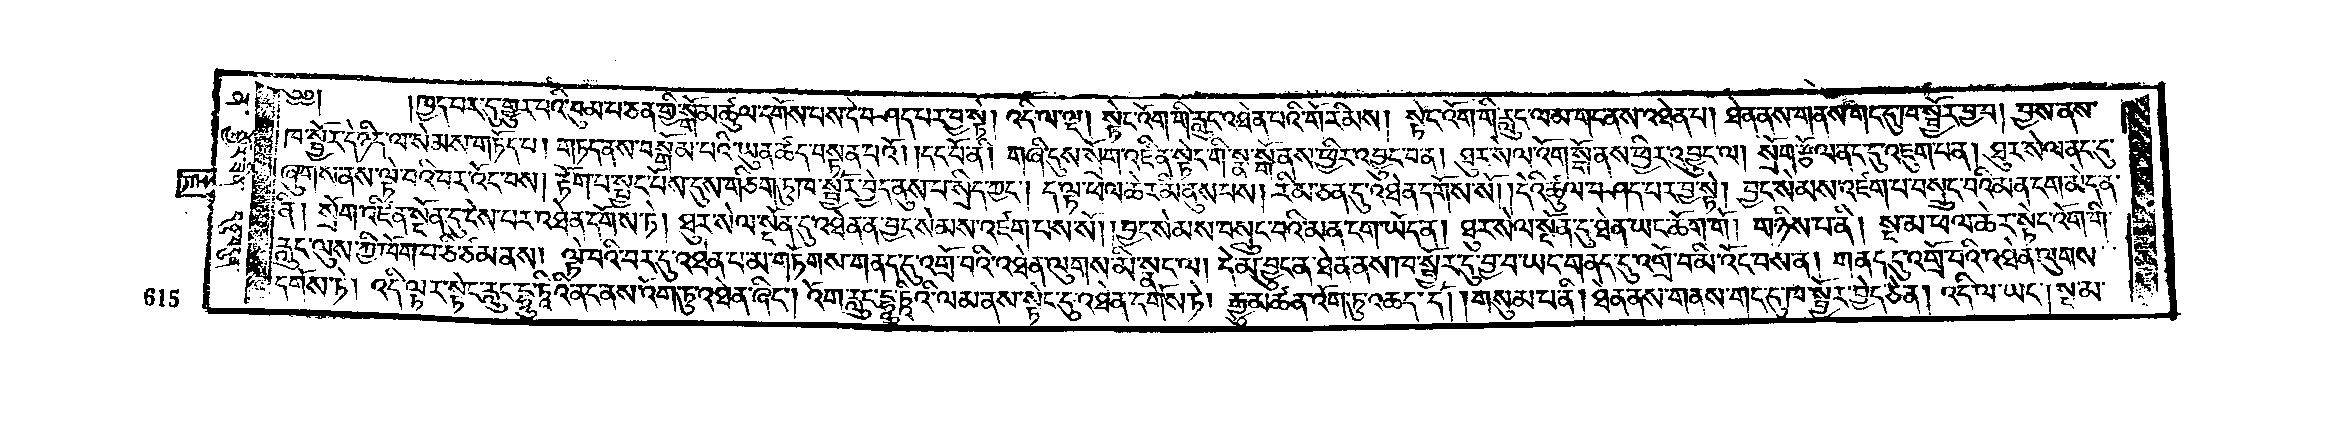༄༅། །ཁྱད་པར་དུ་གྱུར་པའི་བུམ་པ་ཅན་གྱི་སྒོམ་ཚུལ་དགོས་པས་དེ་བཤད་པར་བྱ་སྟེ། འདི་ལ་ལྔ། སྟེང་འོག་གི་རླུང་འཐེན་པའི་གོ་རིམས། སྟེང་འོག་གི་རླུང་ལམ་གང་ནས་འཐེན་པ། ཐེན་ནས་གནས་གང་དུ་ཁ་སྦྱོར་བྱ་བ། བྱས་ནས་
ཁ་སྦྱོར་དེ་ཉིད་ལ་སེམས་གཏོད་པ། གཏད་ནས་བསྒོམ་པའི་ཡུན་ཚད་བསྟན་པའོ། །དང་པོ་ནི། གཞི་དུས་སྲོག་འཛིན་སྟེང་གི་སྣ་སྒོ་ནས་ཕྱིར་འབྱུང་བ་ན། ཐུར་སེལ་འོག་སྒོ་ནས་ཕྱིར་འབྱུང་ལ། སྲོག་རྩོལ་ནང་དུ་འཇུག་པ་ན། ཐུར་སེལ་ནང་དུ་
ཞུགས་ནས་ལྟེ་བའི་བར་འོང་བས། རྟོག་པ་སྤྱང་པོས་དུས་གཅིག་ཏུ་ཁ་སྦྱོར་བྱེད་ནུས་པ་སྲིད་ཀྱང་། ད་ལྟ་ཕལ་ཆེར་མི་ནུས་པས། རིམ་ཅན་དུ་འཐེན་དགོས་སོ། །དེའི་ཚུལ་བཤད་པར་བྱ་སྟེ། བྱང་སེམས་འཛག་པ་བསྲུང་བའི་མན་ངག་མེད་ན་
ནི། སྲོག་འཛིན་སྔོན་དུ་ངེས་པར་འཐེན་དགོས་ཏེ། ཐུར་སེལ་སྔོན་དུ་འཐེན་ན་བྱང་སེམས་འཛག་པས་སོ། །བྱང་སེམས་བསྲུང་བའི་མན་ངག་ཡོད་ན། ཐུར་སེལ་སྔོན་དུ་ཐེན་ཡང་ཆོག་གོ །གཉིས་པ་ནི། སྔ་མ་ཕལ་ཆེར་སྟེང་འོག་གི་
རླུང་ལུས་ཀྱི་ཁོག་པ་ཅི་ཙམ་ནས། ལྟེ་བའི་བར་དུ་འཐེན་པ་མ་གཏོགས་གནད་དུ་འགྲོ་བའི་འཐེན་ལུགས་མི་སྣང་ལ། དེ་མ་བྱུང་ན་ཐེན་ནས་ཁ་སྦྱོར་དུ་བྱ་བ་ཡང་གནད་དུ་འགྲོ་བ་མི་འོང་བས་ན། གནད་དུ་འགྲོ་བའི་འཐེན་ལུགས་
དགོས་ཏེ། འདི་ལྟར་སྟེང་རླུང་དྷཱུ་ཏཱིའི་ནང་ནས་འོག་ཏུ་འཐེན་ཞིང་། འོག་རླུང་དྷཱུ་ཏཱིའི་ལམ་ནས་སྟེང་དུ་འཐེན་དགོས་ཏེ། རྒྱུ་མཚན་འོག་ཏུ་འཆད་དོ། །གསུམ་པ་ནི། ཐེན་ནས་གནས་གང་དུ་ཁ་སྦྱོར་བྱེད་ཅེ་ན། འདི་ལ་ཡང་། སྔ་མ་